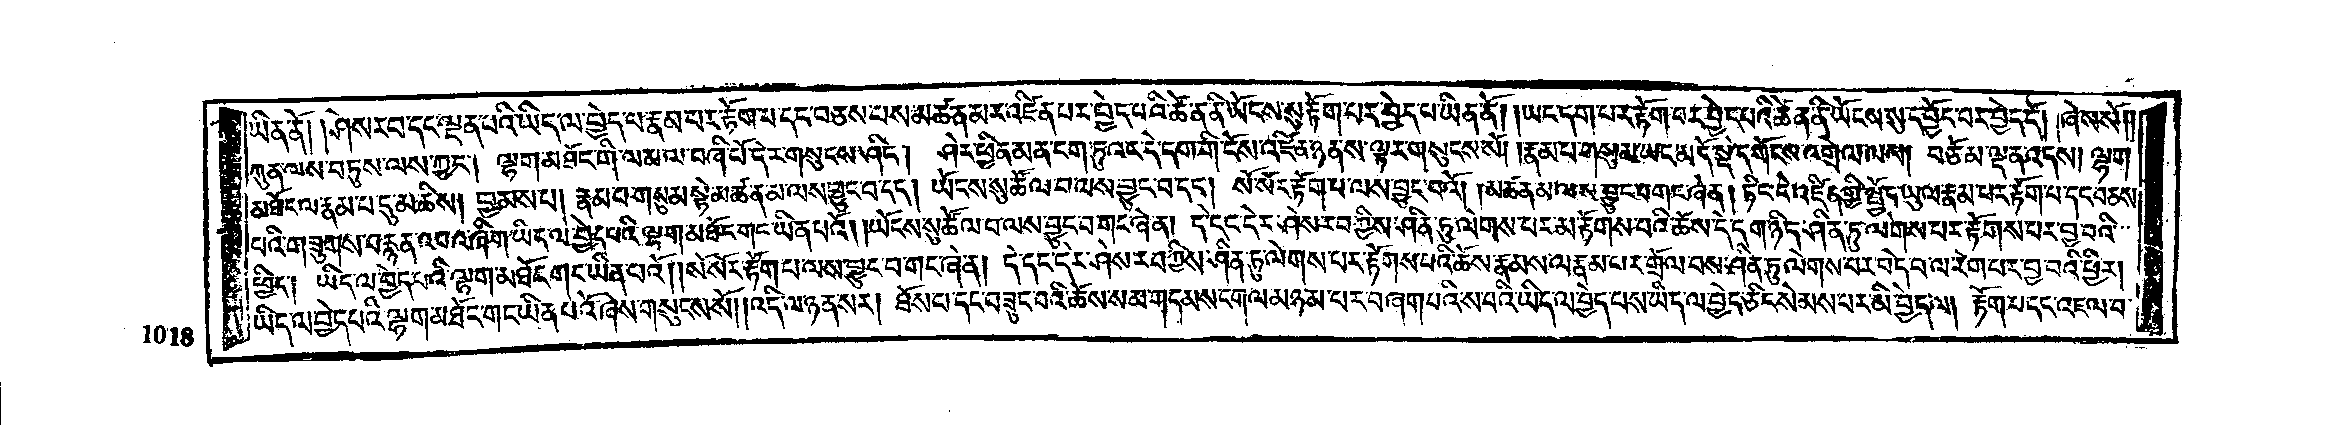ཡིན་ནོ། །ཤེས་རབ་དང་ལྡན་པའི་ཡིད་ལ་བྱེད་པ་རྣམ་པར་རྟོག་པ་དང་བཅས་པས་མཚན་མར་འཛིན་པར་བྱེད་པའི་ཚེ་ན་ནི་ཡོངས་སུ་རྟོག་པར་བྱེད་པ་ཡིན་ནོ། །ཡང་དག་པར་རྟོག་པར་བྱེད་པའི་ཚེ་ན་ནི་ཡོངས་སུ་དཔྱོད་པར་བྱེད་དོ། །ཞེས་སོ། །
ཀུན་ལས་བཏུས་ལས་ཀྱང་། ལྷག་མཐོང་གི་ལམ་ལ་བཞི་པོ་དེར་གསུངས་ཤིང་། ཤེར་ཕྱིན་མན་ངག་ཏུའང་དེ་དག་གི་ངོས་འཛིན་ཉན་ས་ལྟར་གསུངས་སོ། །རྣམ་པ་གསུམ་ཡང་མདོ་སྡེ་དགོངས་འགྲེལ་ལས། བཅོམ་ལྡན་འདས། ལྷག་
མཐོང་ལ་རྣམ་པ་དུ་མཆིས། བྱམས་པ། རྣམ་པ་གསུམ་སྟེ་མཚན་མ་ལས་བྱུང་བ་དང་། ཡོངས་སུ་ཚོལ་བ་ལས་བྱུང་བ་དང་། སོ་སོར་རྟོག་པ་ལས་བྱུང་བའོ། །མཚན་མ་ལས་བྱུང་བ་གང་ཞེ་ན། ཏིང་ངེ་འཛིན་གྱི་སྤྱོད་ཡུལ་རྣམ་པར་རྟོག་པ་དང་བཅས་
པའི་གཟུགས་བརྙན་འབའ་ཞིག་ཡིད་ལ་བྱེད་པའི་ལྷག་མཐོང་གང་ཡིན་པའོ། །ཡོངས་སུ་ཚོལ་བ་ལས་བྱུང་བ་གང་ཞེ་ན། དེ་དང་དེར་ཤེས་རབ་ཀྱིས་ཤིན་ཏུ་ལེགས་པར་མ་རྟོགས་པའི་ཆོས་དེ་དག་ཉིད་ཤིན་ཏུ་ལེགས་པར་རྟོགས་པར་བྱ་བའི་
ཕྱིར༑ ཡིད་ལ་བྱེད་པའི་ལྷག་མཐོང་གང་ཡིན་པའོ། །སོ་སོར་རྟོག་པ་ལས་བྱུང་བ་གང་ཞེ་ན། དེ་དང་དེར་ཤེས་རབ་ཀྱིས་ཤིན་ཏུ་ལེགས་པར་རྟོགས་པའི་ཆོས་རྣམས་ལ་རྣམ་པར་གྲོལ་བས་ཤིན་ཏུ་ལེགས་པར་བདེ་བ་ལ་རེག་པར་བྱ་བའི་ཕྱིར།
ཡིད་ལ་བྱེད་པའི་ལྷག་མཐོང་གང་ཡིན་པའོ་ཞེས་གསུངས་སོ། །འདི་ལ་ཉན་སར། ཐོས་པ་དང་བཟུང་བའི་ཆོས་སམ་གདམས་ངག་ལ་མཉམ་པར་བཞག་པའི་ས་པའི་ཡིད་ལ་བྱེད་པས་ཡིད་ལ་བྱེད་ཅིང་སེམས་པར་མི་བྱེད་ལ། རྟོག་པ་དང་འཇལ་བ་